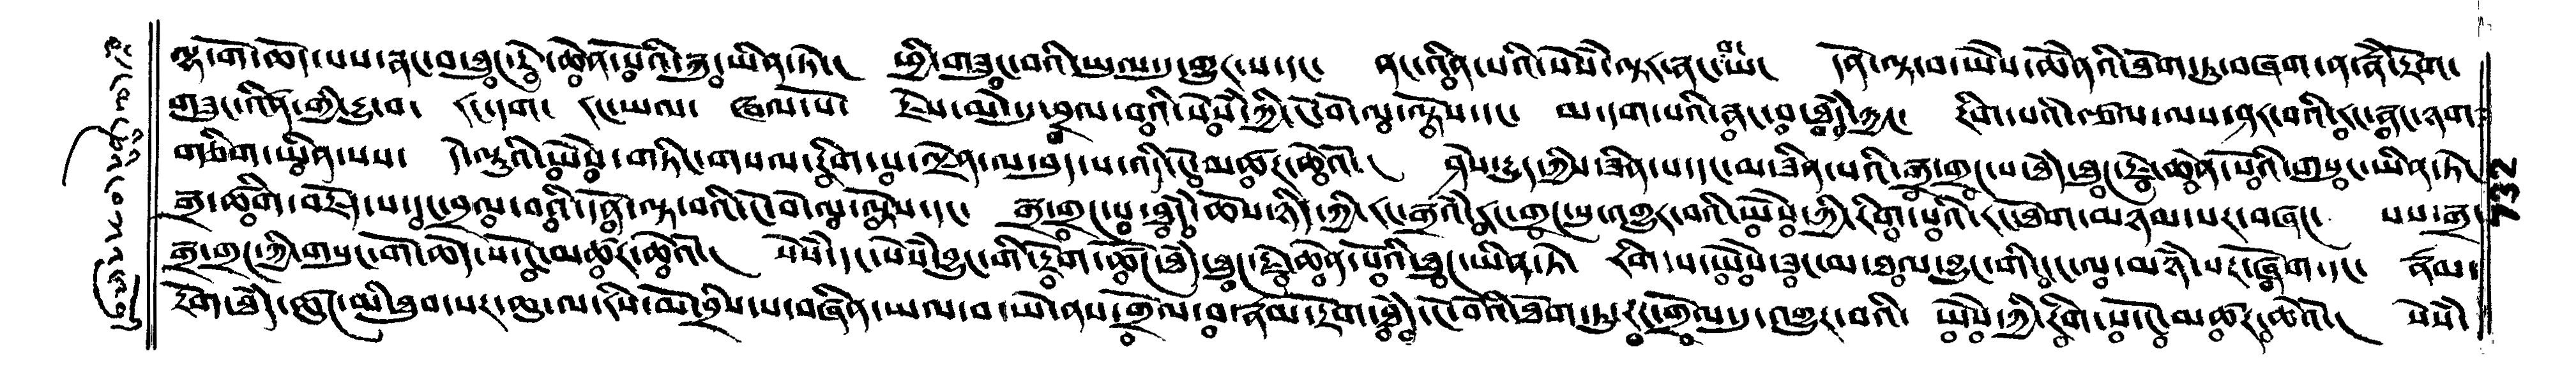ལྟ་གོ་ཆོད་པས་སྣང་བ་ཐུགས་རེ་ཆེན་པོའི་སྐུ་ཡིན་ཏེ། ཕྱི་གཟུང་བའི་ཡུལ་དུ་གྱུར་པ་དང་། ནང་འཛིན་པའི་སེམས་ལྟར་སྣང་བ་ཡང་། དོན་ལྟ་བ་ཡེ་ཤེས་ཆེན་པོའི་ཐོག་ཏུ་བཞག་ན་རྣམ་རྟོག་
གཟུང་འཛིན་གྱི་རྒྱུ་བ། རང་དག རང་ཡལ། ཝལ་པོ། རྗེས་མེད་དུ་བྲལ་བའི་སེམས་ཀྱི་ངོ་བོ་ལ་ལྟོས་དང་། མ་དག་པའི་སྣང་བ་ཐམས་ཅད་ཀྱང་། རིག་པའི་རྩལ་ལས་ཤར་བའི་རང་སྣང་ཉག་
གཅིག་ཡིན་པས། དེ་ལྟ་བུའི་ཡེ་ཤེས་གཏིང་གསལ་རིག་པ་རྗེན་ལ་བུད་པ་འདི་ངོ་མཚར་ཆེའོ། ཤེས་རྒྱུད་ཀྱིས་ཟིན་པ་དང་མ་ཟིན་པའི་སྒྲ་གྲགས་པ་ཐམས་ཅད་ཐུགས་རྗེ་ཆེན་པོའི་གསུང་ཡིན་ཏེ། 
སྒྲ་ཚིག་བརྗོད་པ་དང་བྲལ་བའི་དོན་ལྟ་བའི་ངོ་བོ་ལ་ལྟོས་དང་། སྒྲ་གྲགས་པ་ཐམས་ཅད་ཆོས་ཉིད་ཀྱི་རང་སྒྲའམ་རང་གྲགས་སུ་འགྱུར་བའི་ཡེ་ཤེས་ཀྱི་རིག་པའི་རང་ཐོག་མཉམ་པར་བཞག་པས་སྒྲ་
སྒྲ་གྲགས་ཀྱི་གསུང་གོ་ཆོད་པ་ངོ་མཚར་ཆེའོ།སེམས་དང་སེམས་བྱུང་གི་རྟོག་ཚོགས་ཐམས་ཅད་ཐུགས་རྗེ་ཆེན་པོའི་ཐུགས་ཡིན་ཏེ། རིག་པ་ཡེ་ཤེས་ཟང་མ་ཐལ་བྱུང་གི་ངང་ལ་མཉམ་པར་ཞོག་དང་། རྣམ་
རྟོག་ཐམས་ཅད་ཚུགས་མི་ཐུབ་པར་ཆུ་ལ་རིས་མོ་བྲིས་པ་བཞིན་ཡལ་བ་ཡེ་ནས་གྲོལ་བ་རྣམ་རྟོག་ཐམས་ཅད་ངོ་བོའི་ཐོག་ཏུ་རང་གྲོལ་དུ་འགྱུར་བའི། ཡེ་ཤེས་ཀྱི་རིག་པ་ངོ་མཚར་ཆེའོ། སེམས་